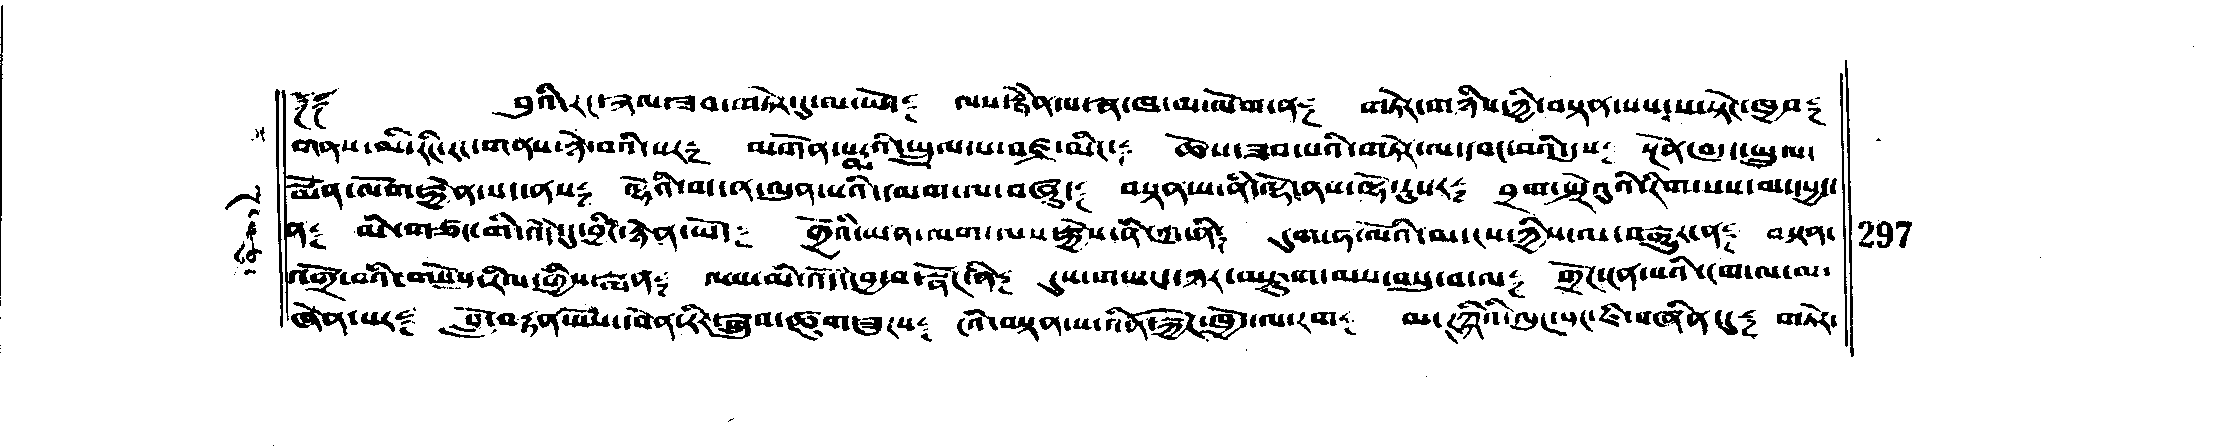།བུའི་རང་སྐལ་ཟབ་གཏེར་དུ་མ་ཡོད། །ལས་རྟེན་འབྲེལ་སྣ་ཁ་མ་ལོག་ན། །གཏེར་གཉིས་ཀྱི་བསྟན་པས་ས་སྟེང་ཁྱབ། །
གནས་མི་རིང་རང་གནས་ཉེ་བའི་སར། །མགོན་པདྨའི་སྤྲུལ་པ་བཛྲ་མིང་། །ཆོས་ཟབ་པའི་གཏེར་ལ་དབང་བའི་དུས། །སྔོན་བདུད་སྤྲུལ་
སྨོན་ལོག་རྐྱེན་སད་ནས། །ལྷོའི་བ་དན་མུན་པའི་དམག་ལ་བཞུད། །བསྟན་པ་ནི་ལྷོ་ནས་ལྷོ་རུ་དར། །བྲག་སྤྲེའུའི་རིགས་པས་མ་དཔྱད་
ན། །མི་གཙང་གི་འདམ་དུ་བྱིང་ཉེན་ཡོད། །གྲོའི་ཡན་ལག་ལས་སྐྱེས་ནི་ཀུ་ནི། །དུག་ཧ་ལོའི་མདངས་ཀྱིས་མ་བསྒྱུར་ན། །བསྟན་
འགྲོ་བའི་གསོས་སུ་རིམ་གྱིས་སྨན། །ལས་མི་འདོད་བྱ་བ་སྣ་ཚོགས་ནི། །དུས་གཡང་དཀར་མཇུག་མས་བསུ་བ་ལ། །གྲོགས་ངན་པའི་ངག་ལ་མ་
ཞེན་པར། །བློ་བརྟན་པོས་དབེན་རིར་སྒྲུབ་ཚུགས་ཟུངས། །ངའི་བསྟན་པ་འཛིན་སྐྱོང་ཁྱོད་ལ་རག །མ་ཌཱཀྐིའི་ལུང་བྱང་ཇི་བཞིན་དུ། །གཏེར་